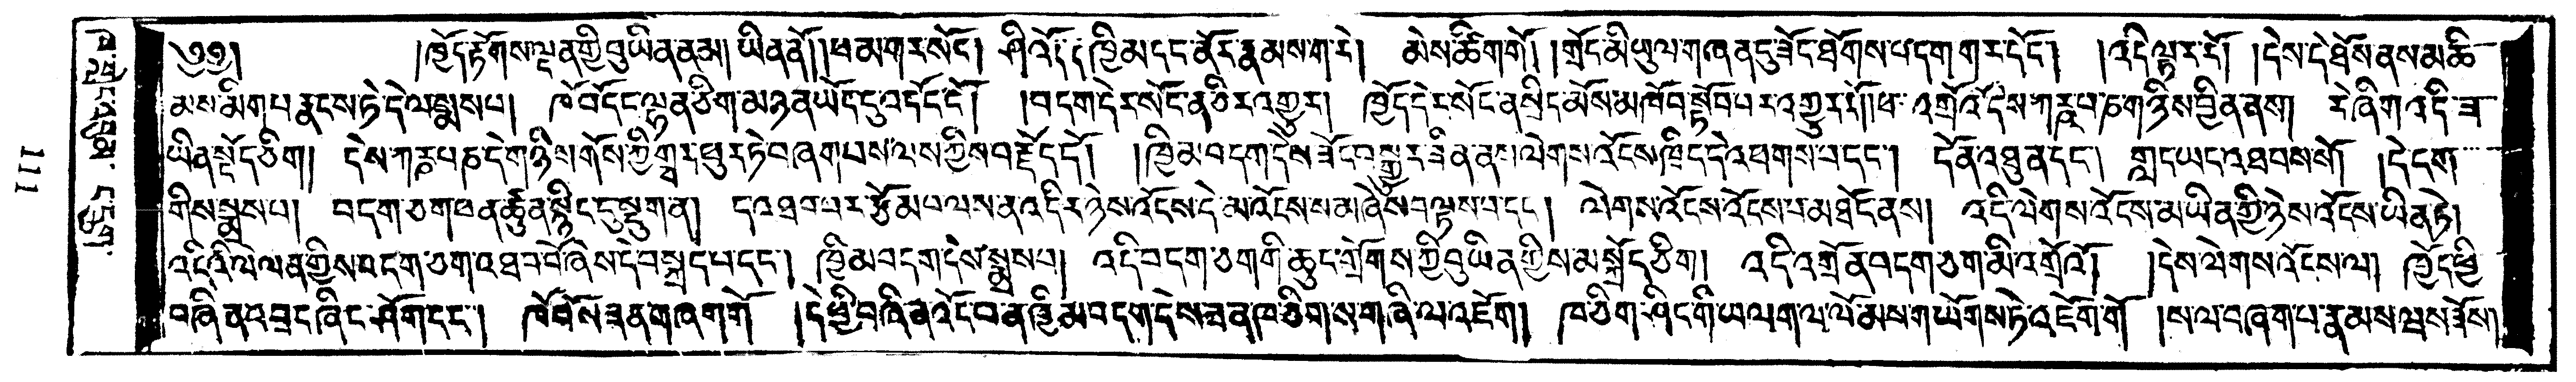༄༅། །ཁྱོད་རྟོགས་ལྡན་གྱི་བུ་ཡིན་ནམ། ཡིན་ནོ། །ཕ་མ་གར་སོང་། ཤིའོ༑ ༑ཁྱིམ་དང་ནོར་རྣམས་ག་རེ། མེས་ཚིག་གོ། །གྲོང་མི་ཡུལ་གཞན་དུ་ཟོང་ཐོགས་པ་དག་གར་དོང་། །འདི་ལྟར་རོ། །དེས་དེ་ཐོས་ནས་མཆི་
མས་མིག་པ་རྣངས་ཏེ་དེ་ལ་སྨས་པ། ཁོ་བོ་དང་ལྷན་ཅིག་མཉན་ཡོད་དུ་འདོད་དོ། །བདག་དེར་སོང་ན་ཅིར་འགྱུར། ཁྱོད་དེར་སོང་ན་སྲིད་མོས་མཁོབ་སྟོབ་པར་འགྱུར་རོ། །ཕ༑ འགྲོའི་དེས་ཀརྵ་པ་ཎ་གཉིས་བྱིན་ནས། རེ་ཞིག་འདི་ཟ་
ཡིན་སྡོད་ཅིག། དེས་ཀརྵ་པ་ཎ་དེ་གཉིས་གོས་ཀྱི་གྲྭར་ཕུར་ཏེ་བཞག་པས་ལས་ཀྱིས་བརྗོད་དོ། །ཁྱིམ་བདག་དེས་ཟོང་བསྒྱུར་ཟིན་ནས་ལེགས་འོངས་ཁྲིད་དེ་འཕགས་པ་དང་། དོན་འཐུན་དང་། གླང་ཡང་འཐབས་སོ། །དེ་དག་
གིས་སྨྲས་པ། བདག་ཅག་ཕན་ཚུན་སྙིང་དུ་སྡུག་ན། ད་འཐབ་པར་རྩོམ་པ་ལས་ན་འདིར་ཉེས་འོངས་དེ་མ་འོངས་སམ་ཞེས་བལྟས་པ་དང་། ལེགས་འོངས་འོངས་པ་མཐོང་ནས། འདི་ལེགས་འོངས་མ་ཡིན་གྱི་ཉེས་འོངས་ཡིན་ཏེ།
འདིའི་ལེ་ལན་གྱིས་བདག་ཅག་འཐབ་བོ་ཞེས་དེ་བསྐྲད་པ་དང་། ཁྱིམ་བདག་དེས་སྨྲས་པ། འདི་བདག་ཅག་གི་ཆུང་གྲོགས་ཀྱི་བུ་ཡིན་གྱིས་མ་སྐྲོད་ཅིག། འདི་འགྲོ་ན་བདག་ཅག་མི་འགྲོའོ། །དེས་ལེགས་འོངས་ལ། ཁྱོད་ཕྱི་
བཞིན་འབྲང་ཞིང་ཤོག་དང་། ཁོ་བོས་ཟན་གཞག་གོ །དེ་ཕྱི་བཞིན་འོང་བ་ན་ཁྱིམ་བདག་དེས་ཟན་ཁ་ཅིག་ས་གཞི་ལ་འཇོག། ཁ་ཅིག་ཤིང་གི་ཡ་ལག་ལ་ལོ་མས་གཡོགས་ཏེ་འཇོག་གོ །ས་ལ་བཞག་པ་རྣམས་ཝས་ཟོས།